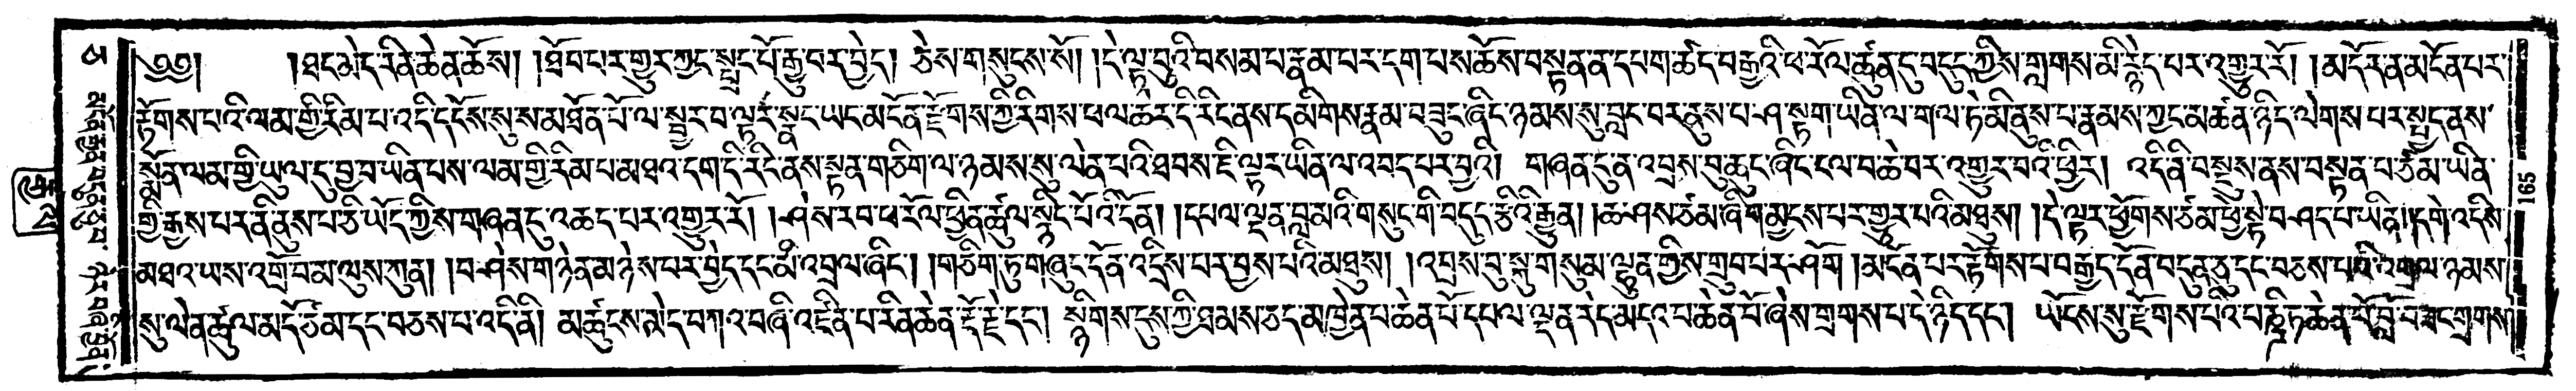༄༅། །ཐད་མེད་རིན་ཆེན་ཆོས། །ཐོབ་པར་གྱུར་ཀྱང་སྤྲང་པོ་རྒྱུ་བར་བྱེད། ཅེས་གསུངས་སོ། །དེ་ལྟ་བུའི་བསམ་པ་རྣམ་པར་དག་པས་ཆོས་བསྟན་ན་དཔག་ཚད་བརྒྱའི་ཕ་རོལ་ཚུན་དུ་བདུད་ཀྱིས་གླགས་མི་རྙེད་པར་འགྱུར་རོ། །མདོར་ན་མངོན་པར་
རྟོགས་པའི་ལམ་གྱི་རིམ་པ་འདི་དངོས་སུ་ས་མཐོན་པོ་ལ་སྦྱར་བ་ལྟར་སྣང་ཡང་མངོན་རྫོགས་ཀྱི་རིགས་ཕལ་ཆེར་དི་རིང་ནས་དམིགས་རྣམ་བཟུང་ཞིང་ཉམས་སུ་བླང་བར་ནུས་པ་ཤ་སྟག་ཡིན་ལ་གལ་ཏེ་མི་ནུས་པ་རྣམས་ཀྱང་མཚན་ཉིད་ལེགས་པར་སྤྱད་ནས་
སྨོན་ལམ་གྱི་ཡུལ་དུ་བྱ་བ་ཡིན་པས་ལམ་གྱི་རིམ་པ་མཐའ་དག་དི་རིང་ནས་སྟན་གཅིག་ལ་ཉམས་སུ་ལེན་པའི་ཐབས་ཇི་ལྟར་ཡིན་ལ་འབད་པར་བྱའི། གཞན་དུ་ན་འབྲས་བུ་ཆུང་ཞིང་ངལ་བ་ཆེ་བར་འགྱུར་བའི་ཕྱིར། འདི་ནི་བསྡུས་ནས་བསྟན་པ་ཙམ་ཡིན་
གྱི་རྒྱས་པར་ནི་ནུས་པ་ཅི་ཡོད་ཀྱིས་གཞན་དུ་འཆད་པར་འགྱུར་རོ། །ཤེས་རབ་ཕ་རོལ་ཕྱིན་ཚུལ་སྙིང་པོའི་དོན། །དཔལ་ལྡན་བླ་མའི་གསུང་གི་བདུད་རྩིའི་རྒྱུན། །ཆ་ཤས་ཙམ་ཞིག་མྱངས་པར་གྱུར་པའི་མཐུས། །དེ་ལྟར་ཕྱོགས་ཙམ་ཕྱེ་སྟེ་བཤད་པ་ཡིན། །དགེ་འདིས་
མཐའ་ཡས་འགྲོ་བ་མ་ལུས་ཀུན། །བཤེས་གཉེན་མཉེས་པར་བྱེད་དང་མི་འབྲལ་ཞིང་། །གཅིག་ཏུ་གཞུང་དོན་འདྲིས་པར་བྱས་པའི་མཐུས། །འབྲས་བུ་སྐུ་གསུམ་ལྷུན་གྱིས་གྲུབ་པར་ཤོག །མངོན་པར་རྟོགས་པ་བརྒྱད་དོན་བདུན་ཅུ་དང་བཅས་པའི་འགྲེལ་ཉམས་
སུ་ལེན་ཚུལ་མདོ་ཙམ་དང་བཅས་པ་འདི་ནི། མཚུངས་མེད་བཀའ་བཞི་འཛིན་པ་རིན་ཆེན་རྡོ་རྗེ་དང་། སྙིགས་དུས་ཀྱི་ཐམས་ཅད་མཁྱེན་པ་ཆེན་པོ་དཔལ་ལྡན་རེད་མདའ་བ་ཆེན་པོ་ཞེས་གྲགས་པ་དེ་ཉིད་དང་། ཡོངས་སུ་རྫོགས་པའི་པཎྜི་ཏ་ཆེན་པོ་བློ་བཟང་གྲགས་